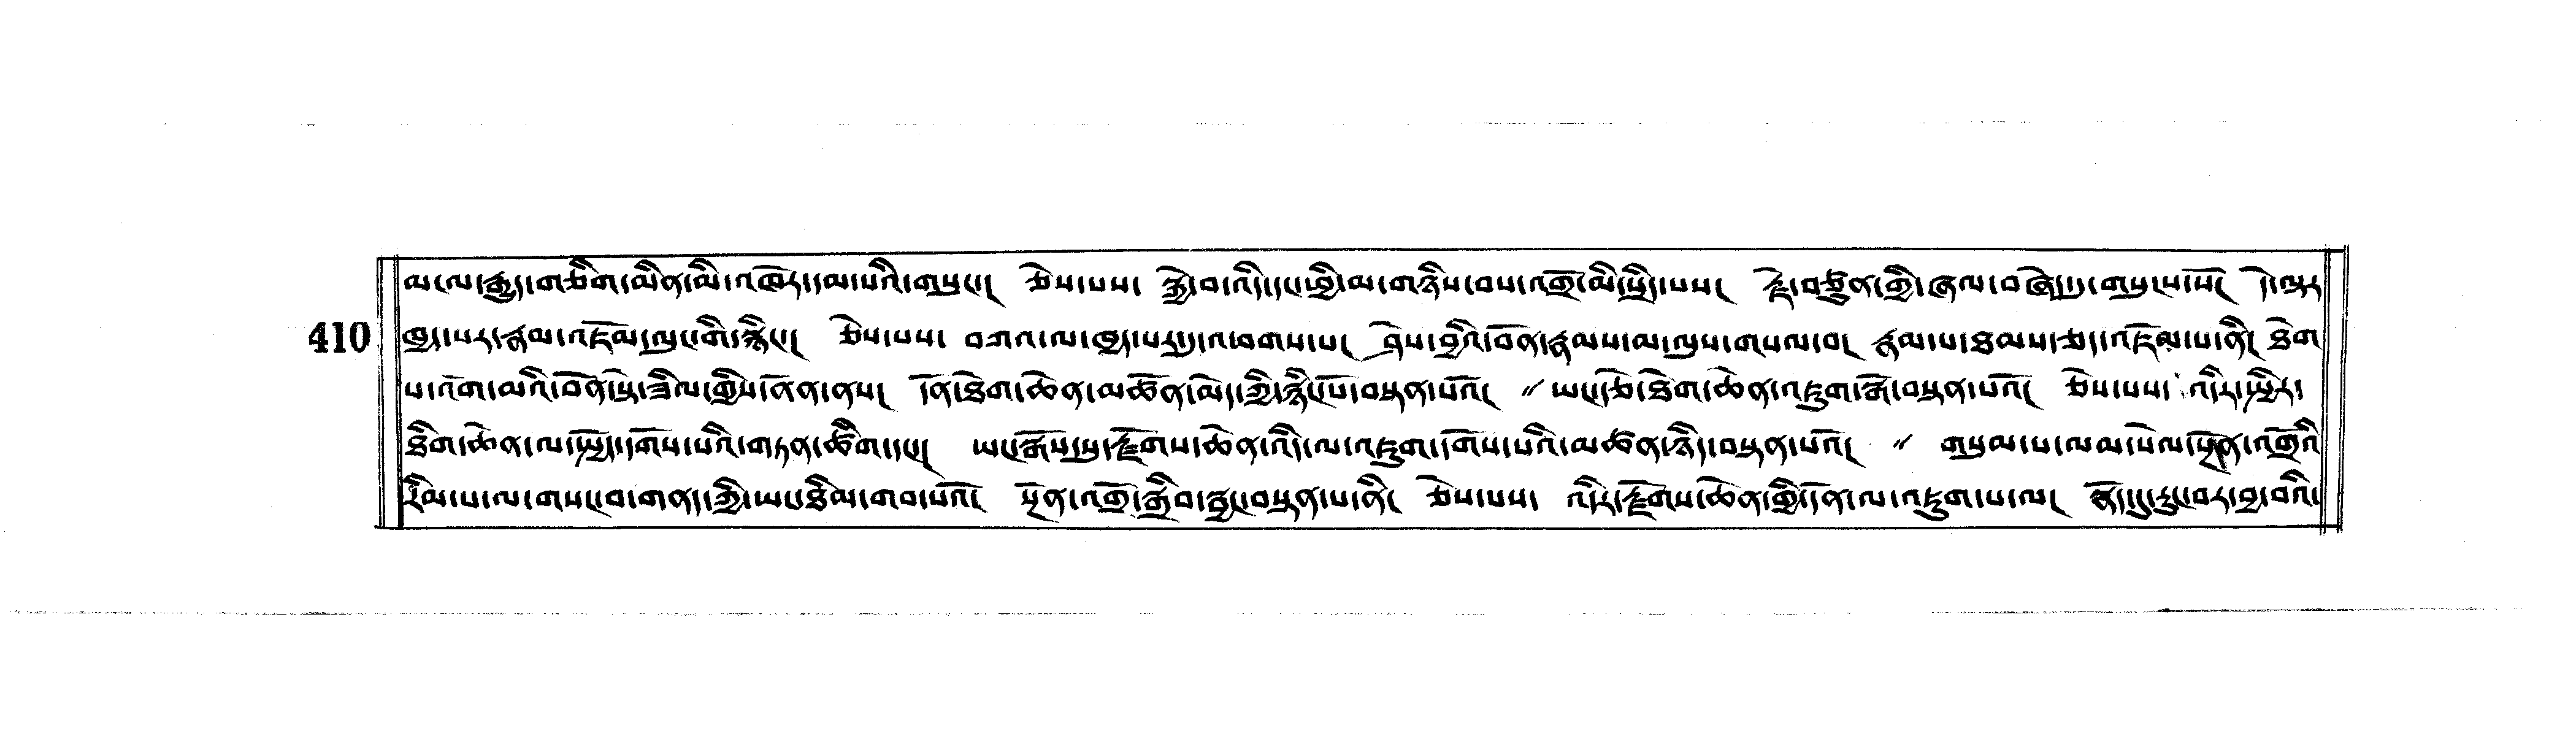མངལ་རྒྱུད་གཅིག་མིན་མི་འཁོར་དམ་པའི་གསུང་། ཅེས་པས། སྐྱེ་བ་འདི་དང་ཕྱི་མ་གཉིས་བས་འགྲོ་མི་སྲིད་པས། རྗེ་བཙུན་གྱི་ཞལ་བཞེད་དུ་གསུངས་སོ། དེ་ལྟར་
ཁྱད་པར་རྣམ་འཇོག་ལུང་གི་སྙིང་། ཅེས་པས། བཀའ་ལ་ཁྱད་པར་དུ་འཕགས་པ། ཤེས་བྱའི་བོན་རྣམས་མ་ལུས་གསལ་བ། རྣམ་པ་ཐམས་ཅད་འཇོམས་པ་ནི། ཐེག་
པ་འོག་མའི་བོན་སྡེ་ཟིལ་གྱིས་ནོན་ནས། དོན་ཐེག་ཆེན་མཚོན་མེད་ཀྱི་སྙིང་པོ་བསྟན་པའོ། ༧ ཡང་རྩེ་ཐེག་ཆེན་འཇུག་སྒོ་བསྟན་པའོ། ཅེས་པས། འདིར་
ཐེག་ཆེན་ལ་སྤྱོད་དགོས་པའི་གཏན་ཚིགས་དང་། ཡང་སྒོས་སུ་རྫོགས་ཆེན་འདི་ལ་འཇུག་དགོས་པའི་མཚན་ཉིད་བསྟན་པའོ། གསུམ་པ་ལམ་སེལ་སྔོན་འགྲོའི་
རིམ་པ་ལ་གསང་བ་གནད་ཀྱི་ཡང་ཐིམ་གབ་པའོ། སྔོན་འགྲོ་སྒྲིབ་སྦྱང་བསྟན་པ་ནི། ཅེས་པས། འདིར་རྫོགས་ཆེན་གྱི་དོན་ལ་འཇུག་པ་ལ། སྣོད་དུ་རུང་བར་བྱ་བའི་